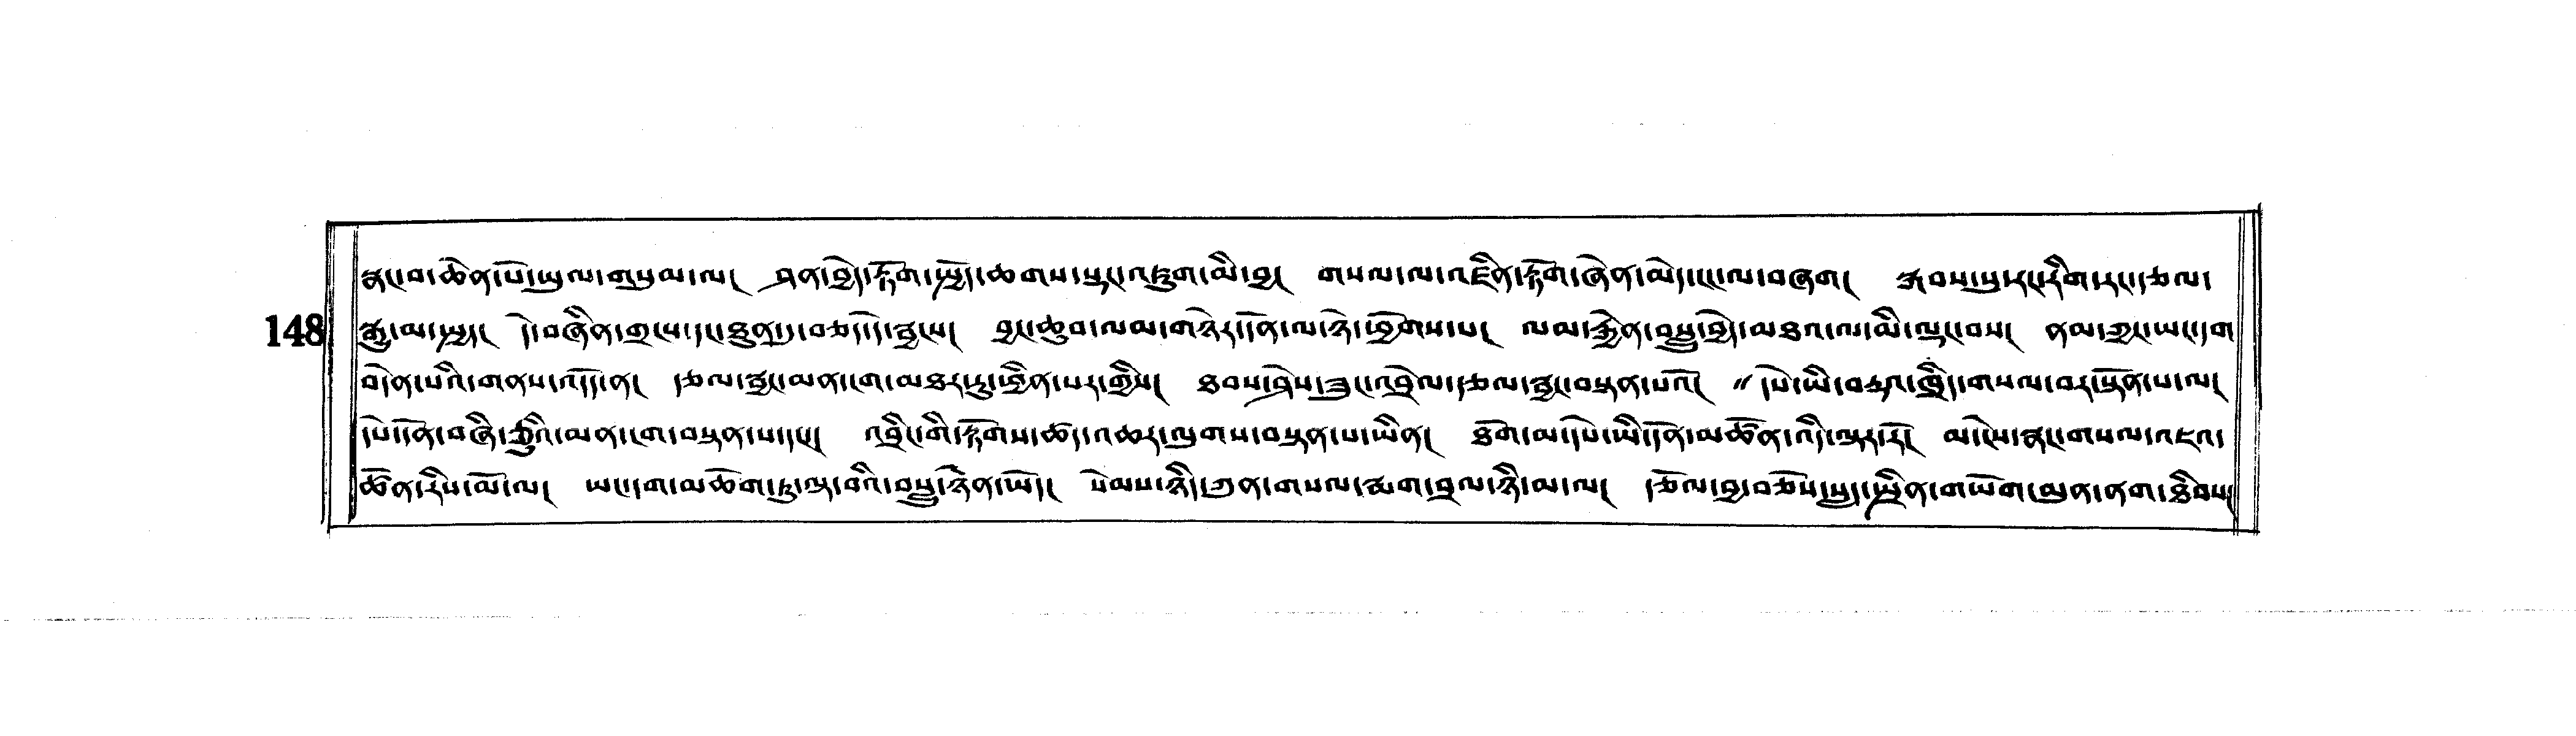སྣང་བ་ཆེན་པོ་ཡུལ་གསུམ་ལ། ཤན་བྱེད་རྟོག་དཔྱོད་ཆགས་སྡང་འཇུག་མི་བྱ། གསལ་ལ་འཛིན་རྟོག་ཞེན་མེད་ངང་ལ་བཞག སྐབས་སུ་རང་རིག་རང་རྩལ་
སྒྱུ་མ་སྤྱད། དེ་བཞིན་གྲངས་དང་ཐུན་དུ་བཅད་དེ་སྦྱངས། བྱང་ཆུབ་ལམ་གཉེར་དོན་ལ་ཉེ་ཕྱོགས་པ། ལམ་རྐྱེན་བསླུ་བྱེད་མཐའ་ལ་མི་ལྡང་བས། ནམ་ཀྱང་ཡང་དག་
བདེན་པའི་གནས་འདོད་ན། རྩལ་སྦྱངས་མན་ངག་མཐའ་རུ་ཕྱིན་པར་གྱིས། ཐབས་ཤེས་ཟུང་འབྲེལ་རྩལ་སྦྱངས་བསྟན་པའོ། ༧ དཔེ་ཡི་བརྡ་ཁྲིད་གསལ་བར་སྟོན་པ་ལ། 
དཔེ་དོན་བཞི་བཅུའི་མན་ངག་བསྟན་པ་དང་། འབྲིང་གི་རྟོགས་ཚད་འཆར་ལུགས་བསྟན་པ་ཡིན། ཐོག་མ་དཔེ་ཡི་དོན་མཚོན་འདི་ལྟར་རོ། མ་ངེས་སྣང་གསལ་འཇའ་
ཚོན་རི་མོ་ལ། ཡང་དག་མཆོག་ཏུ་ལྟ་བའི་བསླུ་ཉེན་ཡོད། སེམས་ཉིད་ཀུན་གསལ་སྨག་བྲལ་ཉི་མ་ལ། རྩོལ་བྱ་བཅོས་སླད་སྤྲིན་བྲལ་མུན་ནག་འཐིབས།